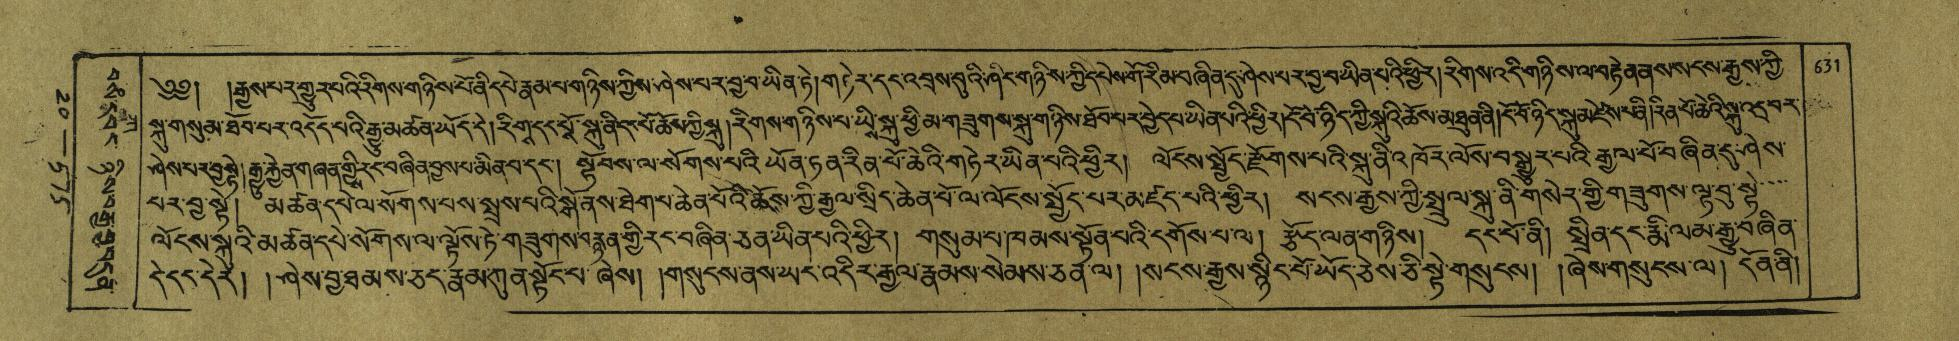༄༅། །རྒྱས་པར་གྱུར་པའི་རིགས་གཉིས་པོ་ནི་དཔེ་རྣམ་པ་གཉིས་ཀྱིས་ཤེས་པར་བྱ་བ་ཡིན་ཏེ། གཏེར་དང་འབྲས་བུའི་ཤིང་གཉིས་ཀྱི་དཔེས་གོ་རིམ་བཞིན་དུ་ཤེས་པར་བྱ་བ་ཡིན་པའི་ཕྱིར། རིགས་འདི་གཉིས་ལ་བརྟེན་ནས་སངས་རྒྱས་ཀྱི་
སྐུ་གསུམ་ཐོབ་པར་འདོད་པའི་རྒྱུ་མཚན་ཡོད་དེ། རིགས་དང་པོས་སྐུ་ནི་དང་པོ་ཆོས་ཀྱི་སྐུ། རིགས་གཉིས་པ་ཡིས་སྐུ་ཕྱི་མ་གཟུགས་སྐུ་གཉིས་ཐོབ་པར་བྱེད་པ་ཡིན་པའི་ཕྱིར། ངོ་བོ་ཉིད་ཀྱི་སྐུའི་ཆོས་མཐུན་ནི། ངོ་བོ་ཉིད་སྐུ་མཛེས་པ་ནི་།རིན་པོ་ཆེའི་སྐུ་འདྲ་བར་
ཤེས་པར་བྱ་སྟེ། རྒྱུ་རྐྱེན་གཞན་གྱིས་རང་བཞིན་བྱས་པ་མིན་པ་དང་། སྟོབས་ལ་སོགས་པའི་ཡོན་ཏན་རིན་པོ་ཆེའི་གཏེར་ཡིན་པའི་ཕྱིར། ལོངས་སྤྱོད་རྫོགས་པའི་སྐུ་ནི་འཁོར་ལོས་བསྒྱུར་པའི་རྒྱལ་པོ་བཞིན་དུ་ཤེས་
པར་བྱ་སྟེ། མཚན་དཔེ་ལ་སོགས་པས་སྤྲས་པའི་སྒོ་ནས་ཐེག་པ་ཆེན་པོའི་ཆོས་ཀྱི་རྒྱལ་སྲིད་ཆེན་པོ་ལ་ལོངས་སྤྱོད་པར་མཛད་པའི་ཕྱིར། སངས་རྒྱས་ཀྱི་སྤྲུལ་སྐུ་ནི་གསེར་གྱི་གཟུགས་ལྟ་བུ་སྟེ་
ལོངས་སྐུའི་མཚན་དཔེ་སོགས་ལ་ལྟོས་ཏེ་གཟུགས་བརྙན་གྱི་རང་བཞིན་ཅན་ཡིན་པའི་ཕྱིར། གསུམ་པ་ཁམས་སྟོན་པའི་དགོས་པ་ལ། རྩོད་ལན་གཉིས། དང་པོ་ནི། སྤྲིན་དང་རྨི་ལམ་རྒྱུ་བཞིན་
དེ་དང་དེར། །ཤེས་བྱ་ཐམས་ཅད་རྣམ་ཀུན་སྟོང་པ་ཞེས། །གསུངས་ནས་ཡང་འདིར་རྒྱལ་རྣམས་སེམས་ཅན་ལ། །སངས་རྒྱས་སྙིང་པོ་ཡོད་ཅེས་ཅི་སྟེ་གསུངས། །ཞེས་གསུངས་ལ། དོན་ནི།